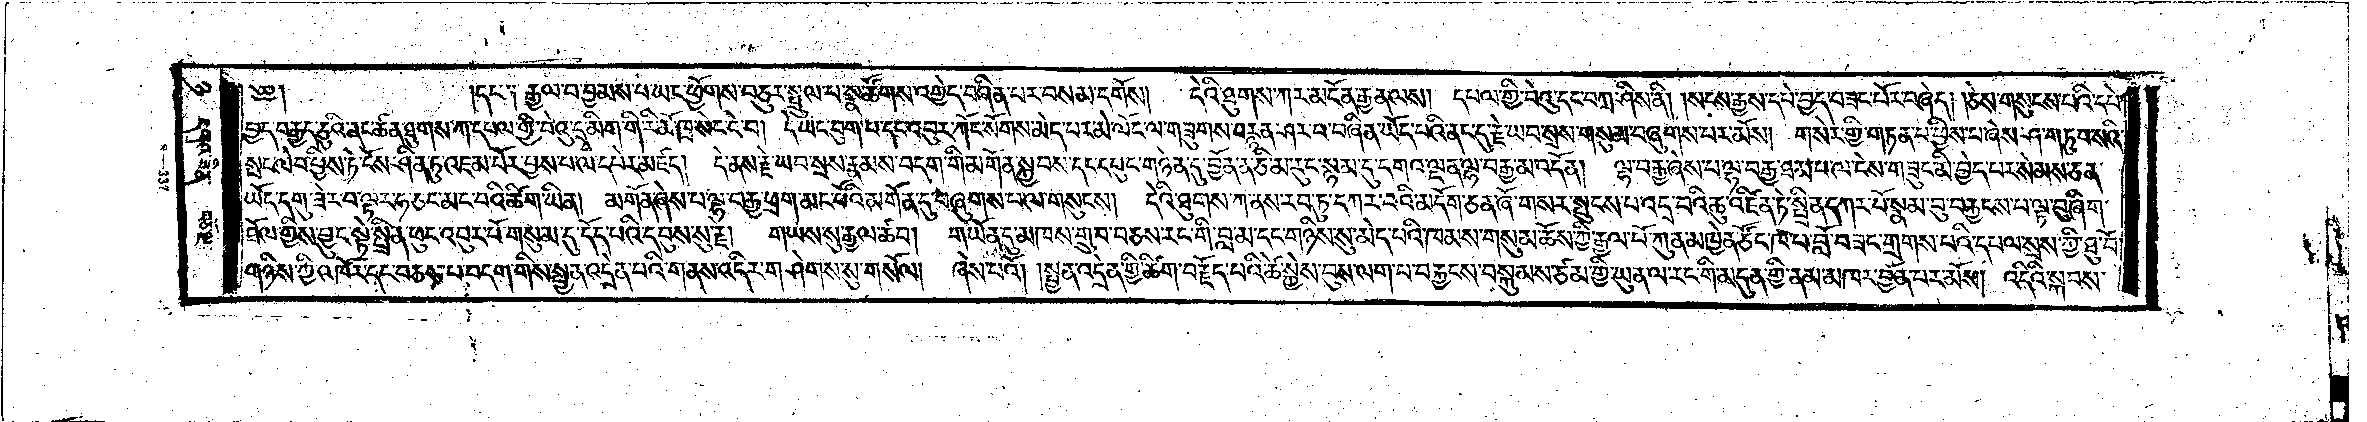༄༅། །དང༑ རྒྱལ་བ་བྱམས་པ་ཡང་ཕྱོགས་བཅུར་སྤྲུལ་པ་སྣ་ཚོགས་འགྱེད་བཞིན་པར་བསམ་དགོས། དེའི་ཐུགས་ཀར་མངོན་རྒྱན་ལས། དཔལ་གྱི་བེའུ་དང་བཀྲ་ཤིས་ནི། །སངས་རྒྱས་དཔེ་བྱད་བཟང་པོར་བཞེད། །ཅེས་གསུངས་པའི་དཔེ་
བྱད་བརྒྱད་ཅུའི་ནང་ཚན་ཐུགས་ཀ་དཔལ་གྱི་བེའུ་དྲྭ་མིག་གི་རི་མོ་གྲ་སེང་ངེ་བ། དེ་ཡང་བུག་པ་དང་འབུར་གོང་སོགས་མེད་པར་མེ་ལོང་ལ་གཟུགས་བརྙན་ཤར་བ་བཞིན་ཡོད་པའི་ནང་དུ་རྗེ་ཡབ་སྲས་གསུམ་བཞུགས་པར་མོས། གསེར་གྱི་གཏན་པ་ཕྱིས་པ་ཞེས་ཤ་གཏུབ་སའི་
སྤང་ལེབ་ཕྱིས་ཏེ་ངོས་ཤིན་ཏུ་འཇམ་པོར་བྱས་པ་ལ་དཔེར་མཛད། དེ་ནས་རྗེ་ཡབ་སྲས་རྣམས་བདག་གི་མགོན་སྐྱབས་དང་དཔུང་གཉེན་དུ་བྱོན་ན་ཅི་མ་རུང་སྙམ་དུ་དགའ་ལྡན་ལྷ་བརྒྱ་མ་འདོན། ལྷ་བརྒྱ་ཞེས་པ་ལྷ་བརྒྱ་ཐམ་པ་ལ་ངེས་གཟུང་མི་བྱེད་པར་སེམས་ཅན་
ཡོད་དགུ་ཟེར་བ་ལྟར་ཧ་ཅང་མང་བའི་ཚིག་ཡིན། མགོན་ཞེས་པ་ལྷ་བརྒྱ་ཕྲག་མང་པོའི་མགོན་དུ་བཞུགས་པ་ལ་གསུངས། དེའི་ཐུགས་ཀ་ནས་རབ་ཏུ་དཀར་བའི་མདོག་ཅན་ཞོ་གསར་སྤུངས་པ་འདྲ་བའི་ཆུ་འཛིན་ཏེ་སྤྲིན་དཀར་པོ་སྣམ་བུ་བརྐྱངས་པ་ལྟ་བུ་ཞིག་
ཐོལ་གྱིས་བྱུང་སྟེ་སྤྲིན་ཕུང་འབུར་པོ་གསུམ་དུ་དོད་པའི་དབུས་སུ་རྗེ། གཡས་སུ་རྒྱལ་ཚབ། གཡོན་དུ་མཁས་གྲུབ་བཅས་རང་གི་བླ་མ་དང་གཉིས་སུ་མེད་པའི་ཁམས་གསུམ་ཆོས་ཀྱི་རྒྱལ་པོ་ཀུན་མཁྱེན་ཙོང་ཁ་པ་བློ་བཟང་གྲགས་པའི་དཔལ་སྲས་ཀྱི་ཐུ་བོ་
གཉིས་ཀྱི་འཁོར་དང་བཅས་པ་བདག་གིས་སྤྱན་འདྲེན་པའི་གནས་འདིར་གཤེགས་སུ་གསོལ། ཞེས་པའོ། །སྤྱན་འདྲེན་གྱི་ཚིག་བརྗོད་པའི་ཚེ་སྐྱེས་བུས་ལག་པ་བརྐྱངས་བསྐུམས་ཙམ་གྱི་ཡུན་ལ་རང་གི་མདུན་གྱི་ནམ་མཁར་བྱོན་པར་མོས། འདིའི་སྐབས་